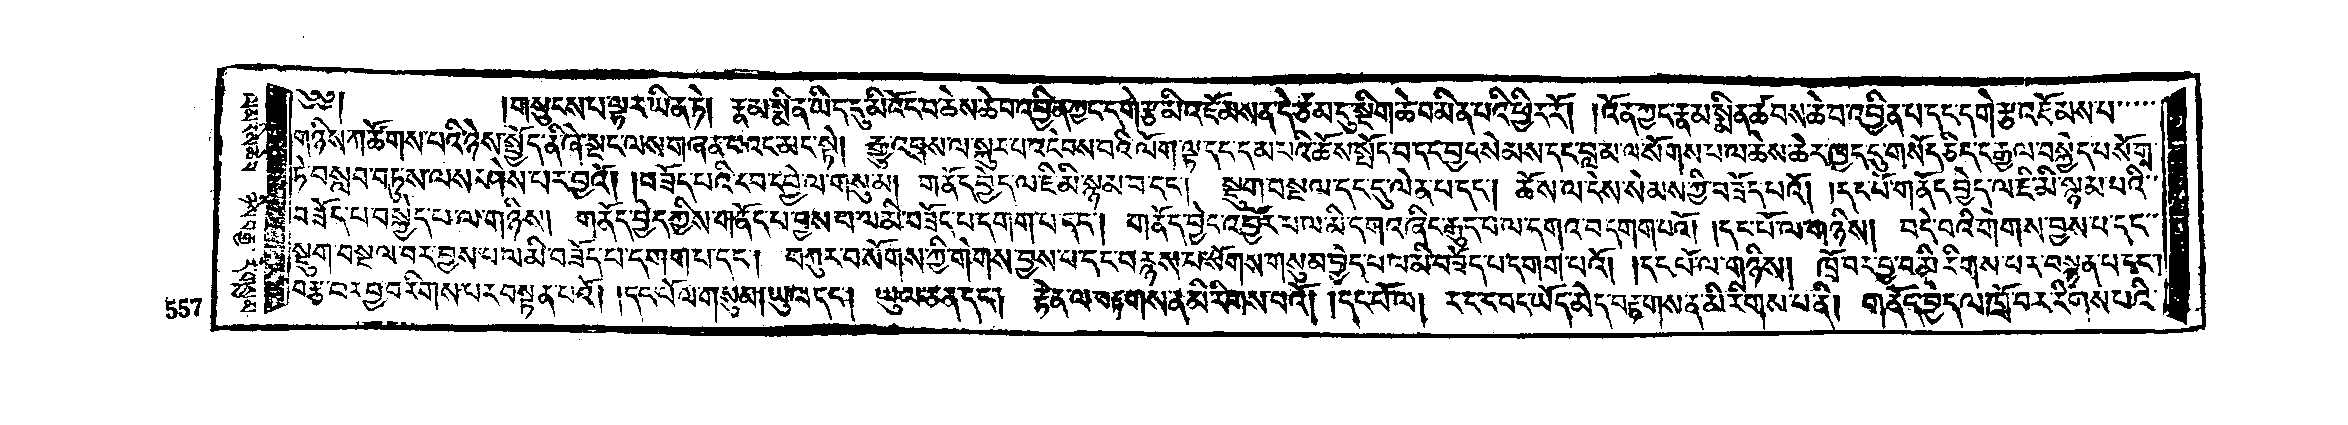༄༅། །གསུངས་པ་ལྟར་ཡིན་ཏེ། རྣམ་སྨིན་ཡིད་དུ་མི་འོང་བ་ཆེས་ཆེ་བ་འབྱིན་ཀྱང་དགེ་རྩ་མི་འཇོམས་ན་དེ་ཙམ་དུ་སྡིག་ཆེ་བ་མིན་པའི་ཕྱིར་རོ། །འོན་ཀྱང་རྣམ་སྨིན་ཚབས་ཆེ་བ་འབྱིན་པ་དང་དགེ་རྩ་འཇོམས་པ་
གཉིས་ཀ་ཚོགས་པའི་ཉེས་སྤྱོད་ནི་ཞེ་སྡང་ལས་གཞན་པའང་མང་སྟེ། རྒྱུ་འབྲས་ལ་སྐུར་པ་འདེབས་པའི་ལོག་ལྟ་དང་དམ་པའི་ཆོས་སྤོང་བ་དང་བྱང་སེམས་དང་བླ་མ་ལ་སོགས་པ་ལ་ཆེས་ཆེར་ཁྱད་དུ་གསོད་ཅིང་ང་རྒྱལ་བསྐྱེད་པ་སོགས་
ཏེ་བསླབ་བཏུས་ལས་ཤེས་པར་བྱའོ། །བཟོད་པའི་རབ་དབྱེད་ལ་གསུམ། གནོད་བྱེད་ལ་ཇི་མི་སྙམ་པ་དང་། སྡུག་བསྔལ་དང་དུ་ལེན་པ་དང་། ཆོས་ལ་ངེས་སེམས་ཀྱི་བཟོད་པའོ། །དང་པོ་གནོད་བྱེད་ལ་ཇི་མི་སྙམ་པའི་
བཟོད་པ་བསྐྱེད་པ་ལ་གཉིས། གནོད་བྱེད་ཀྱིས་གནོད་པ་བྱས་པ་ལ་མི་བཟོད་པ་དགག་པ་དང་། གནོད་བྱེད་འབྱོར་པ་ལ་མི་དགའ་ཞིང་རྒུད་པ་ལ་དགའ་བ་དགག་པའོ། །དང་པོ་ལ་གཉིས། བདེ་བའི་གེགས་བྱས་པ་དང་
སྡུག་བསྔལ་བར་བྱས་པ་ལ་མི་བཟོད་པ་དགག་པ་དང་། བཀུར་བ་སོགས་ཀྱི་གེགས་བྱས་པ་དང་བརྙས་པ་སོགས་གསུམ་བྱེད་པ་ལ་མི་བཟོད་པ་དགག་པའོ། །དང་པོ་ལ་གཉིས། ཁྲོ་བར་བྱ་བ་མི་རིགས་པར་བསྟན་པ་དང་།
བརྩེ་བར་བྱ་བ་རིགས་པར་བསྟན་པའོ། །དང་པོ་ལ་གསུམ། ཡུལ་དང་། ཡུལ་ཅན་དང་། རྟེན་ལ་བརྟགས་ན་མི་རིགས་པའོ། །དང་པོ་ལ། རང་དབང་ཡོད་མེད་བརྟགས་ན་མི་རིགས་པ་ནི། གནོད་བྱེད་ལ་ཁྲོ་བར་རིགས་པའི་